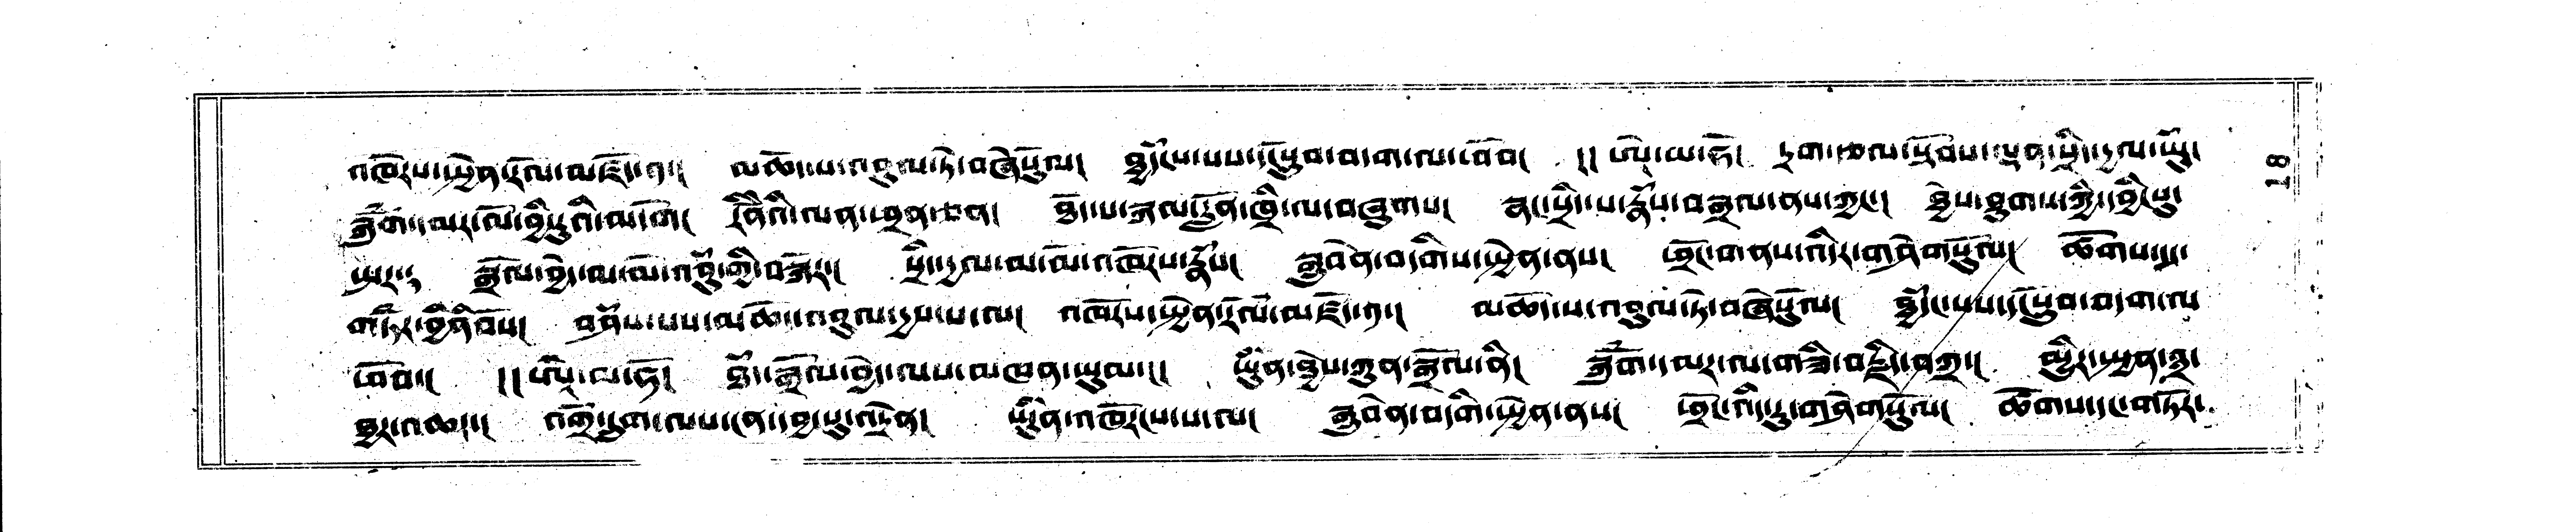འཁོར་བཅས་སྤྱན་འདྲེན་རོལ་མཛོད་ མཆོད་པ་འབུལ་ཏེ་བཞེས་སུ་གསོལ། ཐུགས་དམ་བསྐངས་པས་དངོས་གྲུབ་བདག་ལ་ཕོབ།།།ཨེ་མ་ཧོ། དྲག་རྩལ་སྟོབས་ལྡན་སྲིད་རྒྱལ་ཡུམ།
སྐུ་མདོག་དམར་མོ་བྱི་རུའི་མདོག རིན་པོ་ཆེའི་ལན་ཕྲན་ཅན། ཐོད་པ་སྐམ་རློན་ཁྲི་ལ་བཞུགས། སྣང་སྲིད་པ་རྣམས་བསྒྲལ་ནས་ཀྱང་། ཐུགས་རྗེ་ཤུགས་ཀྱིས་དབྱིངས་སུ་
སྤར། སྒྲོལ་བྱེད་མ་མོ་འབུམ་གྱིས་བསྐོར། སྲིད་རྒྱལ་མ་མོ་འཁོར་བཅས་རྣམས། སྒྲུབ་ཆེན་བདག་གིས་སྤྱན་འདྲེན་ནས། ཕོ་བྲང་གནས་འདིར་གཤེགས་སུ་གསོལ། ཚོགས་དང་
གཏོར་མ་བྱིན་གྱིས་རློབས། བཤམས་པས་མཆོད་འབུལ་རྒྱས་པ་ལ།འཁོར་བཅས་སྤྱན་འདྲེན་རོལ་མཛོད་ཅིག མཆོད་པ་འབུལ་ཏེ་བཞེས་སུ་གསོལ། ཐུགས་བསྐང་པས་་གྲུབ་བདག་ལ་
ཕོབ། །།ཨེ་མ་ཧོ། ཐམས་ཅད་སྒྲོལ་བྱེད་ལས་མཁན་ཡུམ།། ཡུམ་ཆེན་ཐུགས་རྗེ་ཀུན་སྒྲོལ་ནི། སྐུ་མདོག་དམར་ལ་གཟི་བརྗིད་བཀྲ། མི་འགྱུར་སྤྱན་ག་
ཁར་འཆད། འགྲོ་དྲུག་ལས་ངན་དབྱིངས་སུ་འདྲེན། ཡུམ་ཆེན་འཁོར་དང་བཅས་པ་ལ། སྒྲུབ་ཆེན་བདག་གིས་སྤྱན་འདྲེན་ནས། ཕོ་བྲང་འདི་རུ་གཤེགས་སུ་གསོལ། ཚོགས་དང་གཏོར་